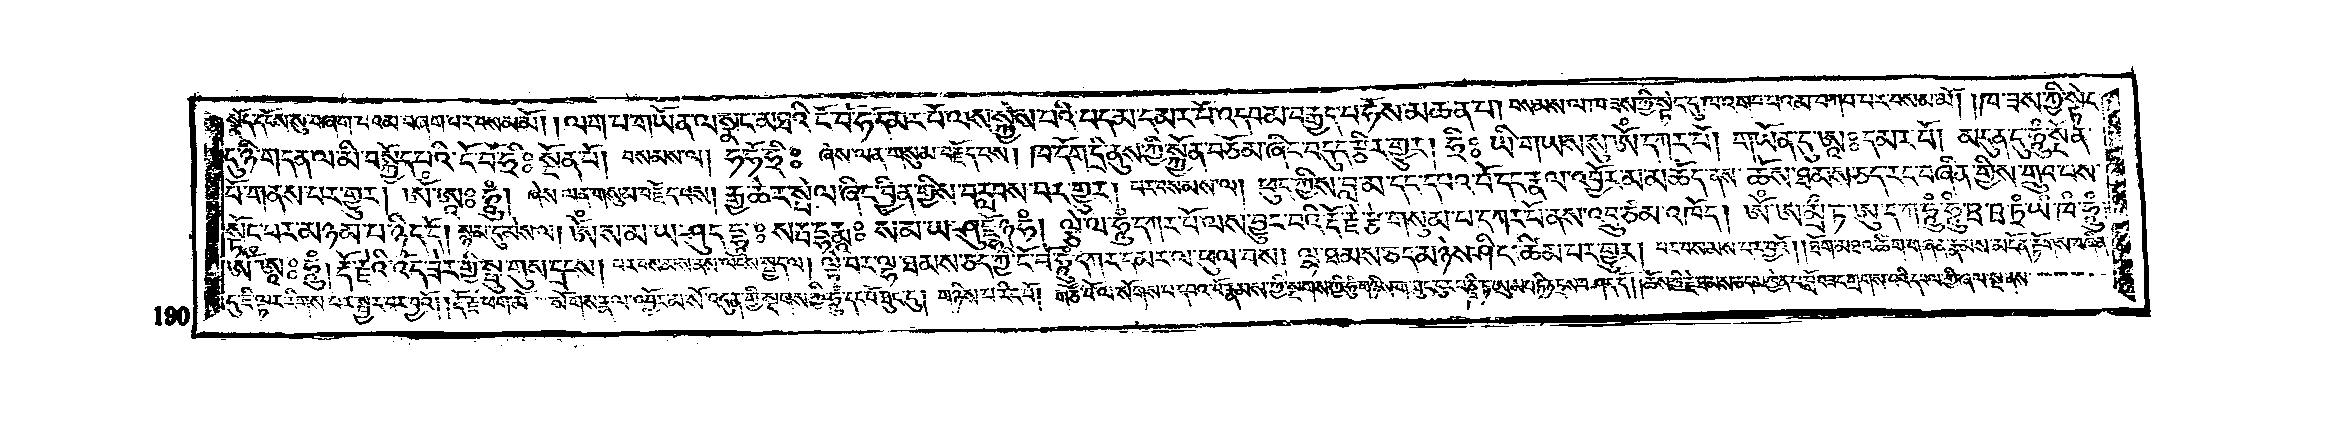སྣད་དངོས་སུ་བཞག་པའམ་བཞག་པར་བསམ་མོ། །ལག་པ་གཡོན་ལ་སྣང་མཐའི་ངོ་བོ་ཧོ་དམར་པོ་ལས་སྐྱེས་པའི་པདམ་དམར་པོ་འདབ་མ་བརྒྱད་པ་ཧོས་མཚན་པ། བསམས་ལ་ཁ་ཟས་ཀྱི་སྟེང་
དུ་ཁ་འགབ་པའམ་བཀབ་པར་བསམ་མོ། །ཁ་ཟས་ཀྱི་སྟེང་དུ་ཉི་གདན་ལ་མི་བསྐྱོད་པའི་ངོ་བོ་ཧྲིཿ སྔོན་པོ། བསམས་ལ།  ཧ་ཧོ་ཧྲིཿ ཞེས་ལན་གསུམ་བརྗོད་པས།  ཁ་དོག་དྲི་ནུས་ཀྱི་སྐྱོན་བཅོམ་ཞིང་བདུད་རྩིར་གྱུར། ཧྲིཿ ཡི་གཡས་སུ་ཨོཾ་དཀར་པོ། གཡོན་དུ་ཨཱཿ དམར་པོ། མདུན་དུ་ཧཱུཾ་སྔོན་
པོ་གནས་པར་གྱུར། ཨོཾ་ཨཱཿ ཧཱུཾ། ཞེས་ལན་གསུམ་བརྗོད་པས།  རྒྱ་ཆེར་སྤེལ་ཞིང་བྱིན་གྱིས་བརླབས་པར་གྱུར། པར་བསམས་ལ།  ཕུད་ཀྱིས་བླ་མ་དང་དཔའ་བོ་དང་རྣལ་འབྱོར་མ་མཆོད་ནས་ཆོས་ཐམས་ཅད་རང་བཞིན་གྱིས་གྲུབ་པས་
སྟོང་པར་མཉམ་པ་ཉིད་དོ། སྙམ་དུ་མེས་ལ།  ཨོཾ་ས་མ་ཡ་ཤུད་དྷཱཿ སརྦ་དྷརྨཱཿ ས་མ་ཡ་ཤུདྡྷོ་ཉཧཾ། ལྕེ་ལ་ཧཱུཾ་དཀར་པོ་ལས་བྱུང་བའི་རྡོ་རྗེ་རྩེ་གསུམ་པ་དཀར་པོ་ནས་འབྲུ་ཙམ་འཁོད། ཨོཾ་ཨ་མྲྀ་ཏ་ཨུ་ད་ཀ་ཧཱུཾ་ཧཱུཾ་ཊཿཨ་ཊཿཨ་ཏྲཾ་ཡཾ་ཁཾ་ཧཱུཾ།
ཨོཾ་ཨཱཿ ཧཱུཾ། རྡོ་རྗེའི་འོད་ཟེར་གྱི་སྦུ་གུས་དྲངས། པར་བསམས་ནས་ལོངས་སྤྱད་ལ།  ལྟེ་བར་ལྷ་ཐམས་ཅད་ཀྱི་ངོ་བོ་ཧཱུཾ་དཀར་དམར་ལ་ཕུལ་བས། ལྷ་ཐམས་ཅད་མཉེས་ཤིང་ཚིམ་པར་གྱུར། པར་བསམས་པར་བྱའོ། །ཐོག་མཐའ་ཚིག་གཞན་རྣམས་མངོན་རྟོགས་བཞིན་
དུ་ཇི་ལྟར་རིགས་པར་སྦྱར་བར་བྱའོ། །རྡོ་རྗེ་ཕག་མོ་སོགས་རྣལ་འབྱོར་མ་སོ་འདུན་གྱི་སྔགས་ཀྱི་ཧཱུཾ་དང་པོ་ཐུང་དུ། གཉིས་པ་རིང་པོ། གཙོ་བོ་ལ་སོགས་པ་དཔའ་བོ་རྣམས་ཀྱི་སྔགས་ཀྱི་ཧུཾ་གཉིས་ཀ་ཐུང་ངུར་པཎྜི་ཏ་ཨུ་མ་པ་ཏི་ཏ་ཏྲས་བཤད་དོ། །ཆོས་ཀྱི་རྗེ་ཐམས་ཅད་མཁྱེན་པ་བློ་བཟང་གྲགས་པའི་དཔལ་གྱི་ཞལ་སྔ་ནས་